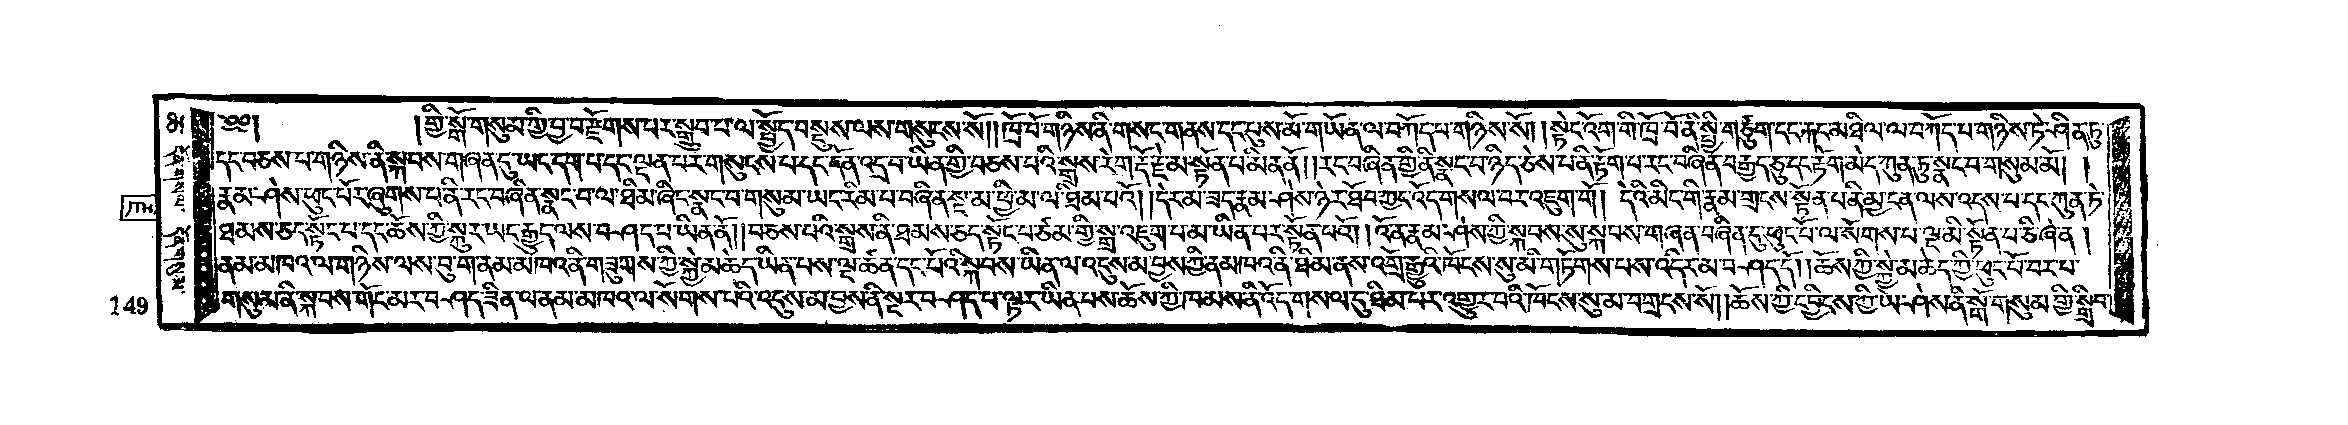༄༅། །གྱི་སྒོ་གསུམ་གྱི་བྱ་བ་རྫོགས་པར་སྒྲུབ་པ་ལ་སྤྱོད་བསྡུས་ལས་གསུངས་སོ། །ཁྲོ་བོ་གཉིས་ནི་གསང་གནས་དང་པུས་མོ་གཡོན་ལ་བཀོད་པ་གཉིས་སོ། །སྟེང་འོག་གི་ཁྲོ་བོ་ནི་སྤྱི་གཙུག་དང་རྐང་མཐིལ་ལ་བཀོད་པ་གཉིས་ཏེ་ཤིན་ཏུ་
དང་བཅས་པ་གཉིས་ནི་སྐབས་གཞན་དུ་ཡང་དག་པ་དང་ལྡན་པར་གསུངས་པ་དང་དོན་འདྲ་བ་ཡིན་གྱི་བཅས་པའི་སྒྲས་རེག་རྡོ་རྗེ་མ་སྟོན་པ་མིན་ནོ། །རང་བཞིན་གྱི་ནི་སྣང་བ་ཉིད་ཅེས་པ་ནི་རྟོག་པ་རང་བཞིན་བརྒྱད་ཅུ་དང་རྟོག་མེད་ཀུན་ཏུ་སྣང་བ་གསུམ་མོ། །
རྣམ་ཤེས་ཕུང་པོར་ཞུགས་པ་ནི་རང་བཞིན་སྣང་བ་ལ་ཐིམ་ཞིང་སྣང་བ་གསུམ་ཡང་རིམ་པ་བཞིན་སྔ་མ་ཕྱི་མ་ལ་ཐིམ་པའོ། །དེར་མ་ཟད་རྣམ་ཤེས་ཉེར་ཐོབ་ཀྱང་འོད་གསལ་བར་འཇུག་གོ ། དེའི་མིང་གི་རྣམ་གྲངས་སྟོན་པ་ནི་མྱ་ངན་ལས་འདས་པ་དང་ཀུན་ཏེ་
ཐམས་ཅད་སྟོང་པ་དང་ཆོས་ཀྱི་སྐུར་ཡང་རྒྱུད་ལས་བཤད་པ་ཡིན་ནོ། །བཅས་པའི་སྒྲས་ནི་ཐམས་ཅད་སྟོང་པ་ཙམ་གྱི་སྒྲ་འཇུག་པ་མ་ཡིན་པར་སྟོན་པའོ། །འོ་ན་རྣམ་ཤེས་ཀྱི་སྐབས་སུ་སྐབས་གཞན་བཞིན་དུ་ཕུང་པོ་ལ་སོགས་པ་ལྔ་མི་སྟོན་པ་ཅི་ཞེ་ན།
ནམ་མཁའ་ལ་གཉིས་ལས་བུ་ག་ནམ་མཁའ་ནི་གཟུགས་ཀྱི་སྐྱེ་མཆེད་ཡིན་པས་ལྔ་ཚན་དང་པོའི་སྐབས་ཡིན་ལ་འདུས་མ་བྱས་ཀྱི་ནམ་མཁའ་ནི་ཐིམ་ནས་འགྲོ་རྒྱུའི་ཁོངས་སུ་མི་གཏོགས་པས་འདིར་མ་བཤད་དོ། །ཆོས་ཀྱི་སྐྱེ་མཆེད་ཀྱི་ཕུང་པོ་བར་པ་
གསུམ་ནི་སྐབས་གོང་མར་བཤད་ཟིན་ལ་ནམ་མཁའ་ལ་སོགས་པའི་འདུས་མ་བྱས་ནི་སྔར་བཤད་པ་ལྟར་ཡིན་པས་ཆོས་ཀྱི་ཁམས་ནི་འོད་གསལ་དུ་ཐིམ་པར་འགྱུར་བའི་ཁོངས་སུ་མ་བགྲངས་སོ། །ཆོས་ཀྱི་དབྱིངས་ཀྱི་ཡེ་ཤེས་ནི་སྒོ་གསུམ་གྱི་སྒྲིབ་